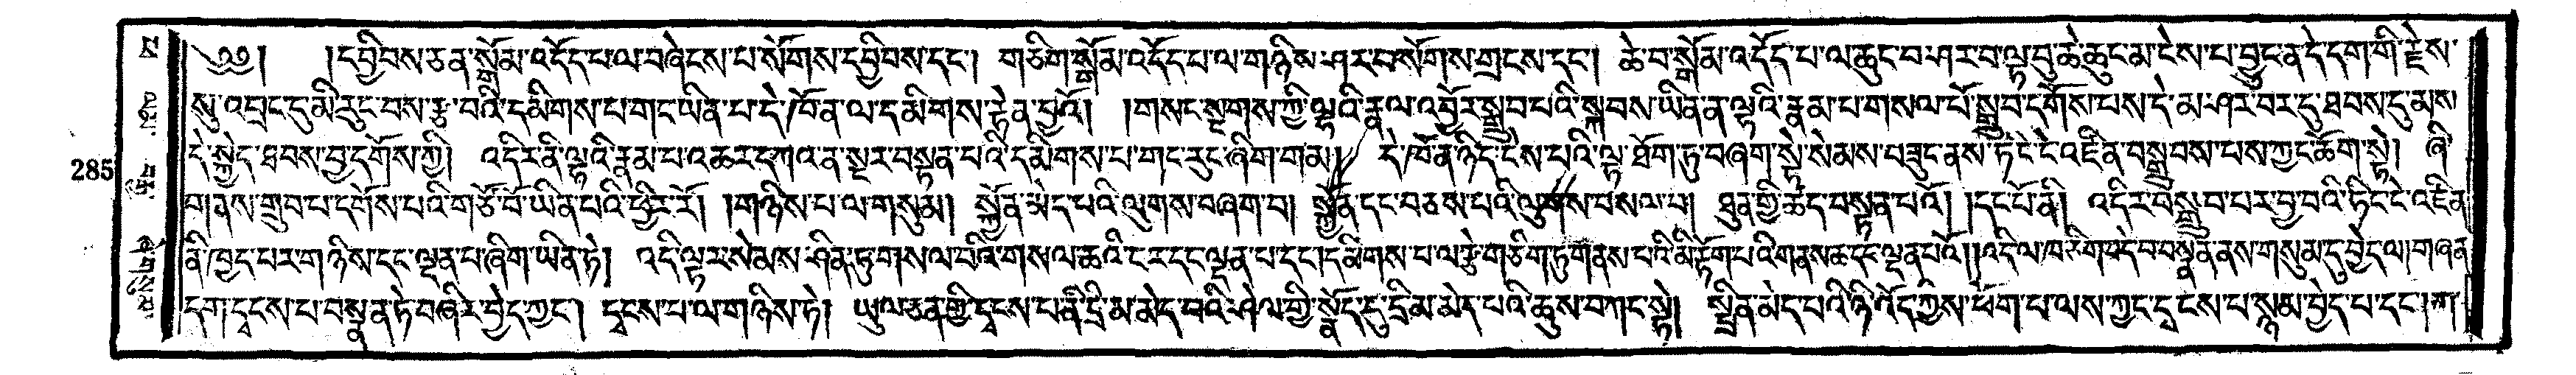༄༅། །དབྱིབས་ཅན་སྒོམ་འདོད་པ་ལ་བཞེངས་པ་སོགས་དབྱིབས་དང་། གཅིག་སྒོམ་འདོད་པ་ལ་གཉིས་ཤར་བ་སོགས་གྲངས་དང་། ཆེ་བ་སྒོམ་འདོད་པ་ལ་ཆུང་བ་ཤར་བ་ལྟ་བུ་ཆེ་ཆུང་མ་ངེས་པ་བྱུང་ན་དེ་དག་གི་རྗེས་
སུ་འབྲང་དུ་མི་རུང་བས་རྩ་བའི་དམིགས་པ་གང་ཡིན་པ་དེ་ཁོ་ན་ལ་དམིགས་རྟེན་བྱའོ། །གསང་སྔགས་ཀྱི་ལྷའི་རྣལ་འབྱོར་སྒྲུབ་པའི་སྐབས་ཡིན་ན་ལྷའི་རྣམ་པ་གསལ་པོ་སྒྲུབ་དགོས་པས་དེ་མ་ཤར་བར་དུ་ཐབས་དུ་མས་
དེ་སྐྱེད་ཐབས་བྱ་དགོས་ཀྱི། འདིར་ནི་ལྷའི་རྣམ་པ་འཆར་དཀའ་ན་སྔར་བསྟན་པའི་དམིགས་པ་གང་རུང་ཞིག་གམ། དེ་ཁོ་ན་ཉིད་ངེས་པའི་ལྟ་ཐོག་ཏུ་བཞག་སྟེ་སེམས་བཟུང་ནས་ཏིང་ངེ་འཛིན་བསྒྲུབས་པས་ཀྱང་ཆོག་སྟེ། ཞི་
གནས་གྲུབ་པ་དགོས་པའི་གཙོ་བོ་ཡིན་པའི་ཕྱིར་རོ། །གཉིས་པ་ལ་གསུམ། སྐྱོན་མེད་པའི་ལུགས་བཞག་པ། སྐྱོན་དང་བཅས་པའི་ལུགས་བསལ་པ། ཐུན་གྱི་ཚད་བསྟན་པའོ། །དང་པོ་ནི། འདིར་བསྒྲུབ་པར་བྱ་བའི་ཏིང་ངེ་འཛིན་
ནི་ཁྱད་པར་གཉིས་དང་ལྡན་པ་ཞིག་ཡིན་ཏེ། འདི་ལྟར་སེམས་ཤིན་ཏུ་གསལ་བའི་གསལ་ཆའི་ངར་དང་ལྡན་པ་དང་། དམིགས་པ་ལ་རྩེ་གཅིག་ཏུ་གནས་པའི་མི་རྟོག་བའི་གནས་ཆ་དང་ལྡན་པའོ། །འདི་ལ་ཁ་ཅིག་བདེ་བ་བསྣན་ནས་གསུམ་དུ་བྱེད་ལ། གཞན་
དག་དྭངས་པ་བསྣན་ཏེ་བཞིར་བྱེད་ཀྱང་། དྭངས་པ་ལ་གཉིས་ཏེ། ཡུལ་ཅན་གྱི་དྭངས་པ་ནི་དྲི་མ་མེད་པའི་ཤེལ་གྱི་སྣོད་དུ་དྲི་མ་མེད་པའི་ཆུས་བཀང་སྟེ། སྤྲིན་མེད་པའི་ཉི་འོད་ཀྱིས་ཕོག་པ་ལས་ཀྱང་དྭངས་པ་སྙམ་བྱེད་པ་དང་། ཀ་